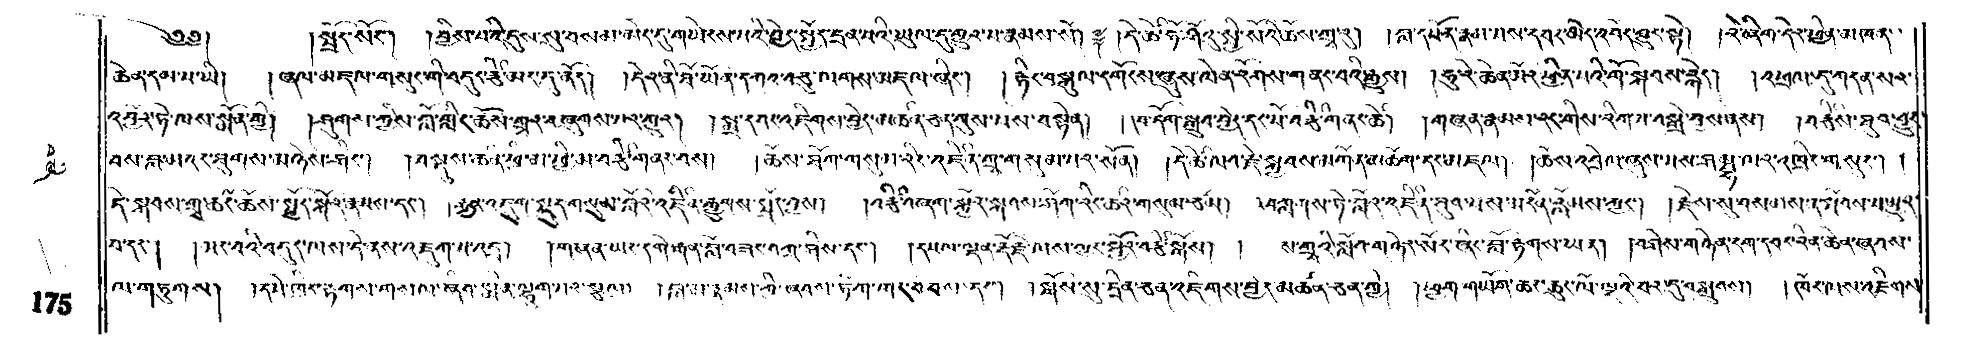༄༅། །སྤྲོད་སོང་། །བྱིས་པའི་དུས་སུ་བསམ་མེད་དུ་གཡེངས་པའི་བྱེད་སྤྱོད་དྲན་པའི་ཡུལ་དུ་གྱུར་པ་རྣམས་སོ། ༈ །དེ་ཚེ་ཧོ་ཤོའུ་སྤྱི་སོའི་ཆོས་གྲྭ་རུ། །བླ་དཔོན་རྣམ་པས་དབང་མེད་འབེད་བྱུང་སྟེ། །རེ་ཞིག་དེར་ཕྱིན་མཁན་
ཆེན་དམ་པ་ཡི། །ཞལ་མཇལ་གསུང་གི་བདུང་རྩི་མང་དུ་ནོད། །དེར་ནི་ཐོ་ཡོན་དཀའ་བཅུ་ལགས་མཇལ་ཞིང་། །རྟིང་བསྐུལ་དགོངས་ཞུས་ལེན་རོགས་གནང་བའི་རྒྱུས། །ཧུ་རེ་ཆེན་མོར་ཕྱིན་པའི་གོ་སྐབས་རྙེད། །འཕྲལ་དུ་གདན་སར་
འབྱོར་ཏེ་ལས་སྨོན་གྱི། །ཤུགས་ཀྱིས་བློ་གླིང་ཆོས་གྲྭར་བཞུགས་པར་གྱུར། །སྨྲ་དབང་འཇིགས་བྱེད་མཚན་ཅན་གུས་པས་བསྟེན། །ཁ་དོག་སྒྲུབ་བྱེད་དང་པོ་བརྩི་གི་ནང་ཚེ། །གཞན་རྣམས་རང་གིས་རིག་པ་བསྒྲེ་བྱས་ནས། །བརྩིས་ཐུབ་ཕྱུང་
བས་བླ་མའང་ཐུགས་མཉེས་ཤིང་། །བསྡུས་ཚན་ཕྱི་མ་ཕྱི་མ་བརྩི་གནང་བས། །ཆོས་ཐོག་གསུམ་རིང་འཛིན་གྲྭ་གསུམ་པར་སོན། །དེ་ཚེ་ལ་བ་རྗེ་སྐྱབས་མགོན་མཆོག་དང་མཇལ། །ཆོས་འབྲེལ་ཞུས་པས་ཤམྦྷ་ལར་འཁྲིད་གསུང་། །
དེ་སྐབས་གྲྭ་ཚང་ཆོས་སྤྱོད་སྐོར་རྣམས་དང་། །རྒྱན་འཇུག་སྡུད་གསུམ་བློར་འཛིན་རྒྱུགས་སྤྲོད་བྱས། །བརྩི?་བཞིག་སྐྱོར་སྐབས་ཤོག་རིང་ཚར་གསུམ་ཙམ། །བཀླགས་ཏེ་བློར་འཛིན་ཐུབ་པས་མངོན་རློམས་ཀྱང་། །རྗེས་སུ་བསམས་ན་སྤོབས་པ་མྱུར་
བ་དང་། །མང་བའི་བདུད་ལས་དེ་ནས་འཇུག་པ་འདྲ། །གཞན་ཡང་དགེ་རྒན་བློ་བཟང་བཀྲ་ཤིས་དང་། །དཔལ་ལྡན་རྡོ་རྗེ་ལས་ཀྱང་སྦྱོར་བརྩི་སྒོས། ། ས་གྲྭའི་སློབ་གཉེར་སོང་ཞིང་བློ་རྟགས་ཡང་། །བཤེས་གཉེན་ངག་དབང་རིན་ཆེན་ཞབས་
ལ་གཏུགས། །དཔེ་ཁྲིང་རྟགས་གསལ་ཞིབ་སྨིན་ལྷུག་པར་སྩལ། །བླ་མ་རྣམས་ཀྱི་ཞབས་ཏོག་གང་བབས་དང་། །སྒོས་སུ་དྲིན་ཅན་འཇིགས་བྱེད་མཚན་ཅན་གྱེ། །ཕྱག་གཡོག་ཆང་ཆུང་ལོ་ལྔའི་བར་དུ་བསྒྲུབས། །ཁོང་ལས་འཇིགས་